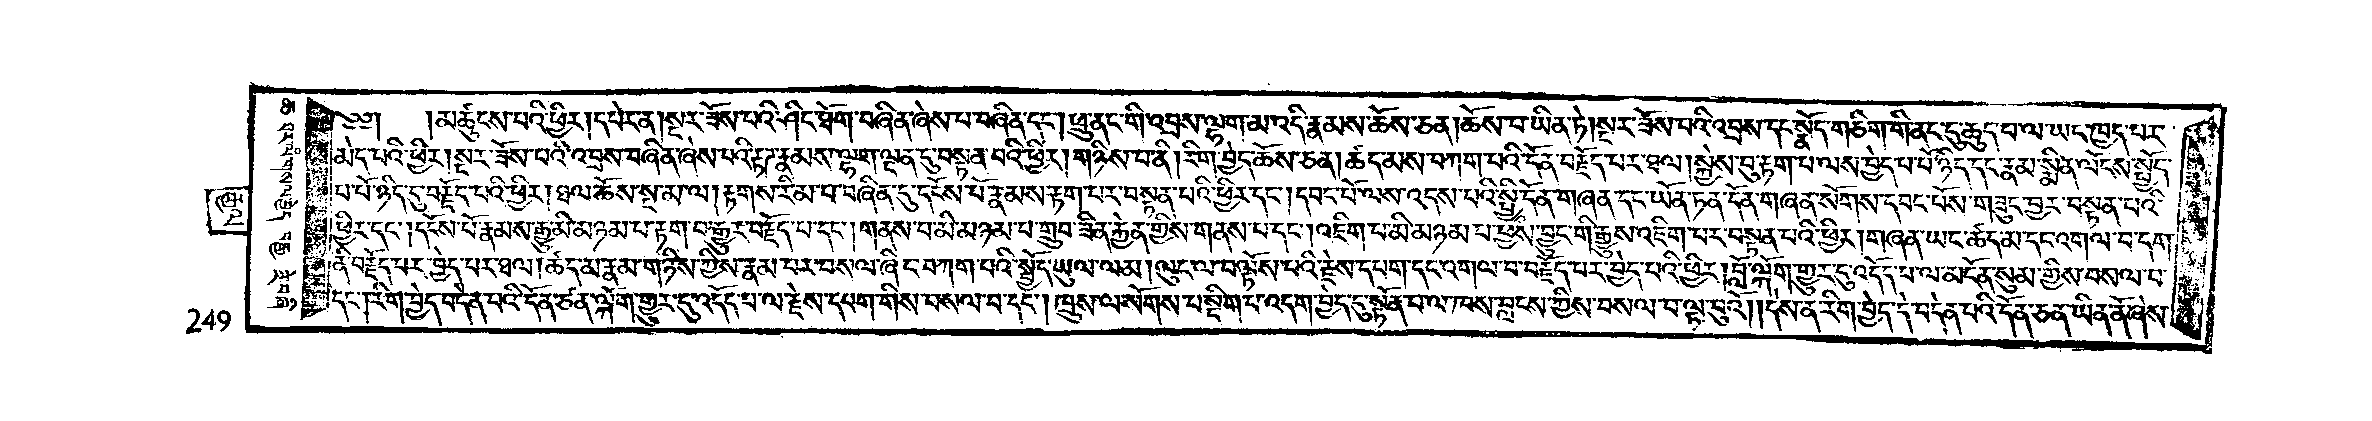༄༅། །མཚུངས་པའི་ཕྱིར། དཔེར་ན། སྔར་ཟོས་པའི་ཤིང་ཐོག་བཞིན་ཞེས་པ་བཞིན་དང་། ཕྲུ་ནང་གི་འབྲས་ལྷག་མ་འདི་རྣམས་ཆོས་ཅན། ཆོས་པ་ཡིན་ཏེ། སྔར་ཟོས་པའི་འབྲས་དང་སྣོད་གཅིག་གི་ནང་དུ་ཚུད་པ་ལ་ཡང་ཁྱད་པར་
མེད་པའི་ཕྱིར། སྔར་ཟོས་པའི་འབྲས་བཞིན་ཞེས་པའི་རྟཌ་རྣམས་ལྷག་ལྡན་དུ་བསྟན་པའི་ཕྱིར། གཉིས་པ་ནི། རིག་བྱེད་ཆོས་ཅན། ཚད་མས་བཀག་པའི་དོན་བརྗོད་པར་ཐལ། སྐྱེས་བུ་རྟག་པ་ལས་བྱེད་པ་པོ་ཉིད་དང་རྣམ་སྨིན་ལོངས་སྤྱོད་
པ་པོ་ཉིད་དུ་བརྗོད་པའི་ཕྱིར། ཐལ་ཆོས་སྔ་མ་ལ། རྟགས་རིམ་པ་བཞིན་དུ་དངོས་པོ་རྣམས་རྟག་པར་བསྟན་པའི་ཕྱིར་དང་། དབང་པོ་ལས་འདས་པའི་སྤྱི་དོན་གཞན་དང་ཡོན་ཏན་དོན་གཞན་སོགས་དབང་པོས་གཟུང་བྱར་བསྟན་པའི་
ཕྱིར་དང་། དངོས་པོ་རྣམས་རྒྱུ་མི་མཉམ་པ་རྟག་པ་རྒྱུར་བརྗོད་པ་དང་། གནས་པ་མི་མཉམ་པ་གྲུབ་ཟིན་རྐྱེན་གྱིས་གནས་པ་དང་། འཇིག་པ་མི་མཉམ་པ་ཕྱིས་བྱུང་གི་རྒྱུས་འཇིག་པར་བསྟན་པའི་ཕྱིར། གཞན་ཡང་ཚད་མ་དང་འགལ་བ་དག་
ནི་བརྗོད་པར་བྱེད་པར་ཐལ། ཚད་མ་རྣམ་གཉིས་ཀྱིས་རྣམ་པར་བསལ་ཞིང་བཀག་པའི་སྤྱོད་ཡུལ་ལམ། ལུང་ལ་བལྟོས་པའི་རྗེས་དཔག་དང་འགལ་བ་བརྗོད་པར་བྱེད་པའི་ཕྱིར། བློ་ལྐོག་གྱུར་དུ་འདོད་པ་ལ་མངོན་སུམ་གྱིས་བསལ་བ་
དང་། རིག་བྱེད་བདེན་པའི་དོན་ཙན་ལྐོག་གྱུར་དུ་འདོད་པ་ལ་རྗེས་དཔག་གིས་བསལ་བ་དང་། ཁྲུས་ལ་སོགས་པ་སྡིག་པ་འདག་བྱེད་དུ་སྟོན་པ་ལ་ཁས་བླངས་ཀྱིས་བསལ་བ་ལྟ་བུའོ། །དེས་ན་རིག་བྱེད་དེ་བདེན་པའི་དོན་ཅན་ཡིན་ནོ་ཞེས་